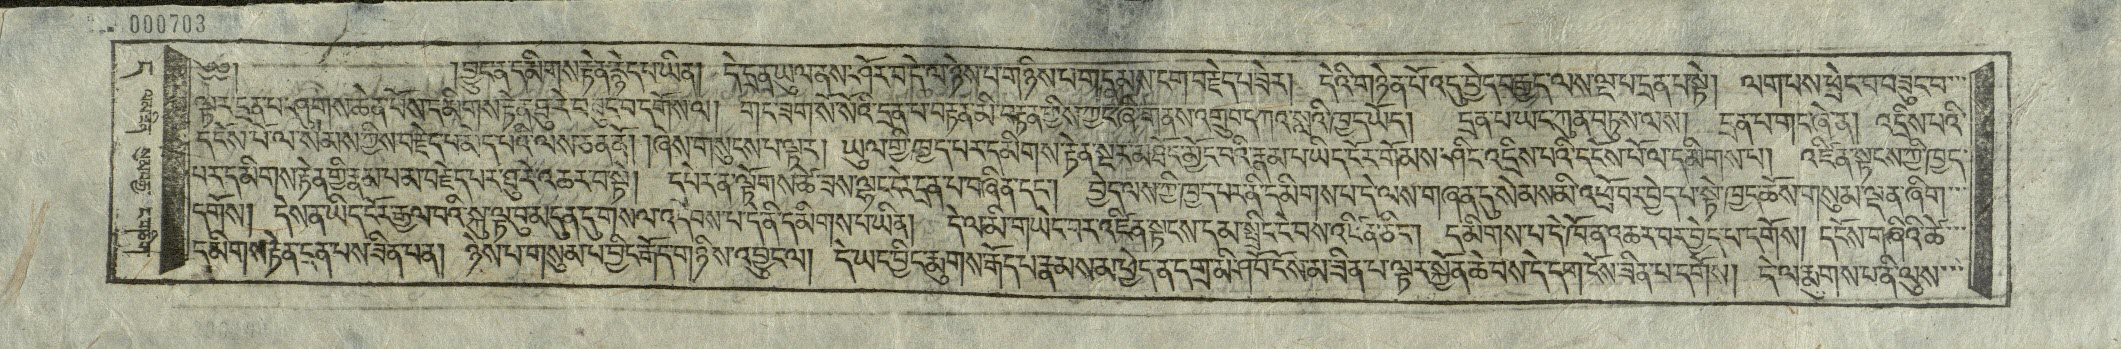༄༅། །བྱུང་ན་དམིགས་རྟེན་རྙེད་པ་ཡིན། དེ་དྲན་ཡུལ་ནས་ཤོར་བ་དེ་ལ་ཉེས་པ་གཉིས་པ་གདམས་ངག་བརྗེད་པ་ཟེར། དེའི་གཉེན་པོ་འདུ་བྱེད་བརྒྱད་ལས་ལྔ་པ་དྲན་པ་སྟེ། ལག་པས་ཕྲེང་བ་བཟུང་བ་
ལྟར་དྲན་པ་ཤུགས་ཆེན་པོས་དམིགས་རྟེན་ཐུ་རེ་བཟུང་བ་དགོས་ལ། གང་ཟག་སོ་སོའི་དྲན་པ་བརྟན་མི་བརྟན་གྱིས་ཀྱང་ཞི་གནས་འགྲུབ་དཀའ་སླའི་ཁྱད་ཡོད། དྲན་པ་ཡང་ཀུན་བཏུས་ལས། དྲན་པ་གང་ཞེ་ན། འདྲིས་པའི་
དངོས་པོ་ལ་སེམས་ཀྱིས་བརྗེད་པ་མེད་པའི་ལས་ཅན་ནོ། །ཞེས་གསུངས་པ་ལྟར། ཡུལ་གྱི་ཁྱད་པར་དམིགས་རྟེན་སྔར་མཐོང་མྱོང་བའི་རྣམ་པ་ཡིད་ངོར་གོམས་ཤིང་འདྲིས་པའི་དངོས་པོ་ལ་དམིགས་པ། འཛིན་སྟངས་ཀྱི་ཁྱད་
པར་དམིགས་རྟེན་གྱི་རྣམ་པ་མ་བརྗེད་པར་ཐུ་རེ་འཆར་བ་སྟེ། དཔེར་ན་ལྟོགས་ཚེ་ཟས་ལྷང་ངེར་དྲན་པ་བཞིན་དང་། བྱེད་ལས་ཀྱི་ཁྱད་པར་ནི་དམིགས་པ་དེ་ལས་གཞན་དུ་སེམས་མི་འཕྲོ་བར་བྱེད་པ་སྟེ་ཁྱད་ཆོས་གསུམ་ལྡན་ཞིག་
དགོས། དེས་ན་ཡིད་ངོར་རྒྱལ་བའི་སྐུ་ལྟ་བུ་མདུན་དུ་གསལ་འདེབས་པ་དེ་ནི་དམིགས་པ་ཡིན། དེ་ལ་མི་གཡེང་བར་འཛིན་སྟངས་དམ་སྤྲིང་ངེ་བས་འཛིན་ཅིང་། དམིགས་པ་དེ་ཁོ་ན་འཆར་བར་བྱེད་པ་དགོས། དངོས་གཞིའི་ཚེ་
དམིགས་རྟེན་དྲན་པས་ཟིན་པ་ན། ཉེས་པ་གསུམ་པ་བྱིང་རྒོད་གཉིས་འབྱུང་ལ། དེ་ཡང་བྱིང་རྨུགས་རྒོད་པ་རྣམས་མ་ཕྱེད་ན་དགྲ་མི་ཤ་བོ་ངོས་མ་ཟིན་པ་ལྟར་སྐྱོན་ཆེ་བས་དེ་དག་ངོས་ཟིན་པ་དགོས། དེ་ལ་རྨུགས་པ་ནི་ལུས་